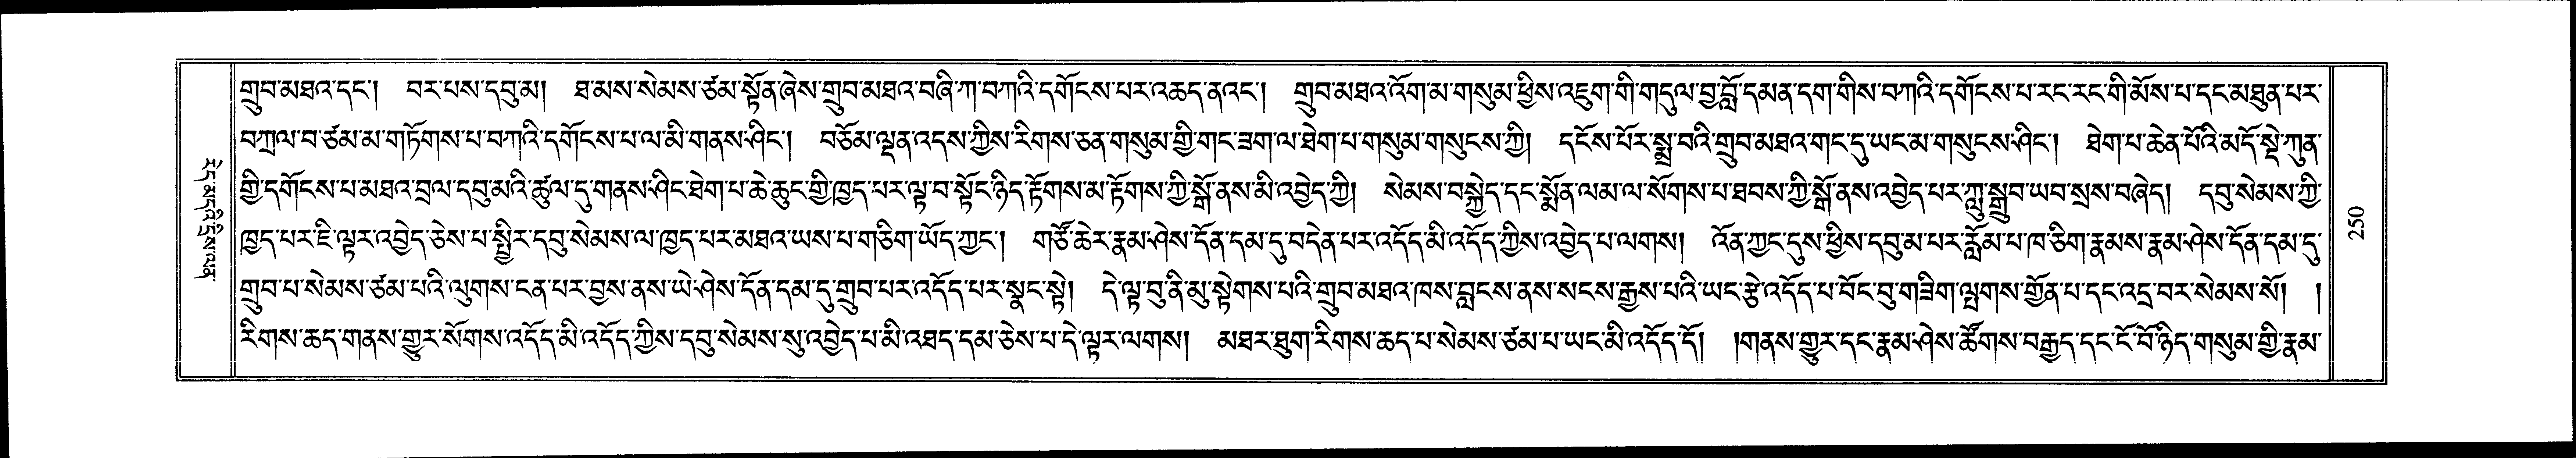གྲུབ་མཐའ་དང་། བར་པས་དབུ་མ། ཐ་མས་སེམས་ཙམ་སྟོན་ཞེས་གྲུབ་མཐའ་བཞི་ཀ་བཀའི་དགོངས་པར་འཆད་ནའང་། གྲུབ་མཐའ་འོག་མ་གསུམ་ཕྱིས་འཇུག་གི་གདུལ་བྱ་བློ་དམན་དག་གིས་བཀའི་དགོངས་པ་རང་རང་གི་མོས་པ་དང་མཐུན་པར་
བཀྲལ་བ་ཙམ་མ་གཏོགས་པ་བཀའི་དགོངས་པ་ལ་མི་གནས་ཤིང་། བཅོམ་ལྡན་འདས་ཀྱིས་རིགས་ཅན་གསུམ་གྱི་གང་ཟག་ལ་ཐེག་པ་གསུམ་གསུངས་ཀྱི། དངོས་པོར་སྨྲ་བའི་གྲུབ་མཐའ་གང་དུ་ཡང་མ་གསུངས་ཤིང་། ཐེག་པ་ཆེན་པོའི་མདོ་སྡེ་ཀུན་
གྱི་དགོངས་པ་མཐའ་བྲལ་དབུ་མའི་ཚུལ་དུ་གནས་ཤིང་ཐེག་པ་ཆེ་ཆུང་གྱི་ཁྱད་པར་ལྟ་བ་སྟོང་ཉིད་རྟོགས་མ་རྟོགས་ཀྱི་སྒོ་ནས་མི་འབྱེད་ཀྱི། སེམས་བསྐྱེད་དང་སྨོན་ལམ་ལ་སོགས་པ་ཐབས་ཀྱི་སྒོ་ནས་འབྱེད་པར་ཀླུ་སྒྲུབ་ཡབ་སྲས་བཞེད། དབུ་སེམས་ཀྱི་
ཁྱད་པར་ཇི་ལྟར་འབྱེད་ཅེས་པ་སྤྱིར་དབུ་སེམས་ལ་ཁྱད་པར་མཐའ་ཡས་པ་གཅིག་ཡོད་ཀྱང་། གཙོ་ཆེར་རྣམ་ཤེས་དོན་དམ་དུ་བདེན་པར་འདོད་མི་འདོད་ཀྱིས་འབྱེད་པ་ལགས། འོན་ཀྱང་དུས་ཕྱིས་དབུ་མ་པར་རློམ་པ་ཁ་ཅིག་རྣམས་རྣམ་ཤེས་དོན་དམ་དུ་
གྲུབ་པ་སེམས་ཙམ་པའི་ལུགས་ངན་པར་བྱས་ནས་ཡེ་ཤེས་དོན་དམ་དུ་གྲུབ་པར་འདོད་པར་སྣང་སྟེ། དེ་ལྟ་བུ་ནི་མུ་སྟེགས་པའི་གྲུབ་མཐའ་ཁས་བླངས་ནས་སངས་རྒྱས་པའི་ཡང་རྩེ་འདོད་པ་བོང་བུ་གཟིག་ལྤགས་གྱོན་པ་དང་འདྲ་བར་སེམས་སོ།།
རིགས་ཆད་གནས་གྱུར་སོགས་འདོད་མི་འདོད་ཀྱིས་དབུ་སེམས་སུ་འབྱེད་པ་མི་འཐད་དམ་ཅེས་པ་དེ་ལྟར་ལགས། མཐར་ཐུག་རིགས་ཆད་པ་སེམས་ཙམ་པ་ཡང་མི་འདོད་དོ། །གནས་གྱུར་དང་རྣམ་ཤེས་ཚོགས་བརྒྱད་དང་ངོ་བོ་ཉིད་གསུམ་གྱི་རྣམ་